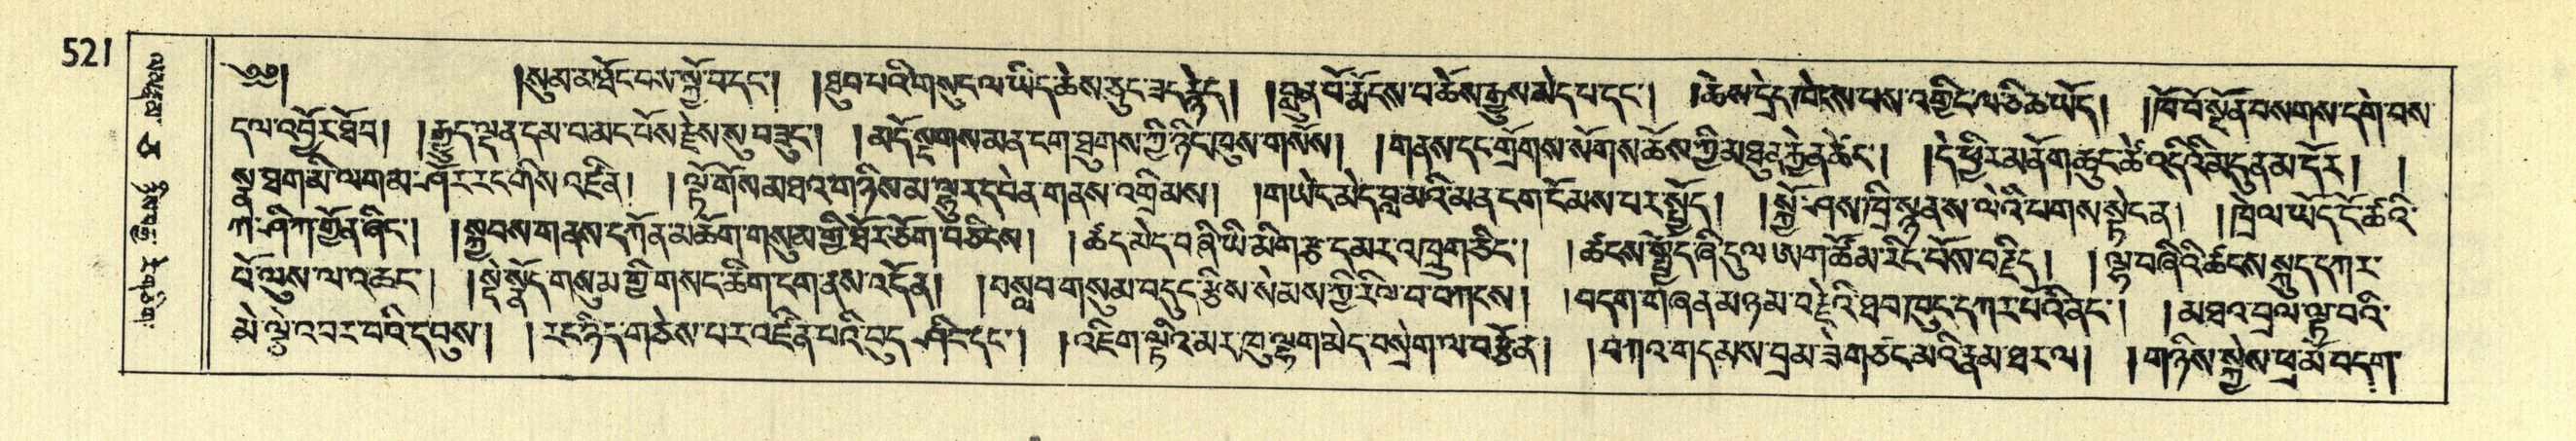༄༅། །སུམ་མཐོང་བས་སྐྱོ་བ་དང་། །ཐུབ་པའི་གསུང་ལ་ཡིད་ཆེས་ཅུང་ཟད་རྙེད། །བླུན་པོ་རྨོངས་པ་ཆོས་རྒྱུས་མེད་པ་དང་། །ཆེས་དྲེད་ཁེངས་པས་འགྱིང་ལ་ཅི་ཆ་ཡོད། །ཁོ་བོ་སྔོན་བསགས་དགེ་བས་
དལ་འབྱོར་ཐོབ། །རྒྱུད་ལྡན་དམ་བ་མང་པོས་རྗེས་སུ་བཟུང་། །མདོ་སྔགས་མན་ངག་ཐུགས་ཀྱི་ཉིང་ཁུས་གསོས། །གནས་དང་གྲོགས་སོགས་ཆོས་ཀྱི་མཐུན་རྐྱེན་ཚེང་། །དེ་ཕྱིར་མནོག་ཆུང་ཚེ་འདིའི་མདུན་མ་དོར། །
སྣ་ཐག་མི་ལག་མ་ཤོར་རང་གིས་འཛིན། །ལྟོ་གོས་མཐའ་གཉིས་མ་ལྷུར་དབེན་གནས་འགྲིམས། །གཡེང་མེད་བླ་མའི་མན་ངག་ངོམས་པར་སྤྱོད། །སྐྱོ་ཤས་ཁྲི་སྙན་ས་ལེའི་པགས་སྟེང་ན། །ཁྲེལ་ཡོད་ངོ་ཚའི་
ཀྱི་ཤིག་གྱོན་ཞིང་། །སྐྱབས་གནས་དཀོན་མཆོག་གསུམ་གྱི་ཐོར་ཅོག་བཅིངས། །ཚད་མེད་བཞི་ཡི་མིག་རྩ་དམར་འཁྲུག་ཅིང་། །ཚངས་སྤྱོད་ཞི་དུལ་ཨག་ཚོམ་རིང་བོས་བརྗིད། །ལྷ་བཞིའི་ཚངས་སྐུད་དཀར་
པོ་ལུས་ལ་འཆང་། །སྡེ་སྣོད་གསུམ་གྱི་གསང་ཚིག་ངག་ནས་འདོན། །བསླབ་གསུམ་བདུད་རྩིས་སེམས་ཀྱི་རིལ་བ་བཀངས། །བདག་གཞན་མཉན་བརྗེའི་ཐབ་ཁུང་དཀར་པོའི་ནང་། །མཐའ་བྲལ་ལྟ་བའི་
མེ་ལྕེ་འབར་བའི་དབུས། །རང་ཉིད་གཅེས་པར་འཛིན་པའི་བུད་ཤིང་དང་། །འཇིག་ལྟའི་མར་ཁུ་ལྷག་མེད་བསྲེག་ལ་བརྩོན། །བཀའ་གདམས་བྲམ་ཟག་གཙང་མའི་རྣམ་ཐར་ལ། །གཉིས་སྐྱེས་ཕྲ་མོ་བདག་